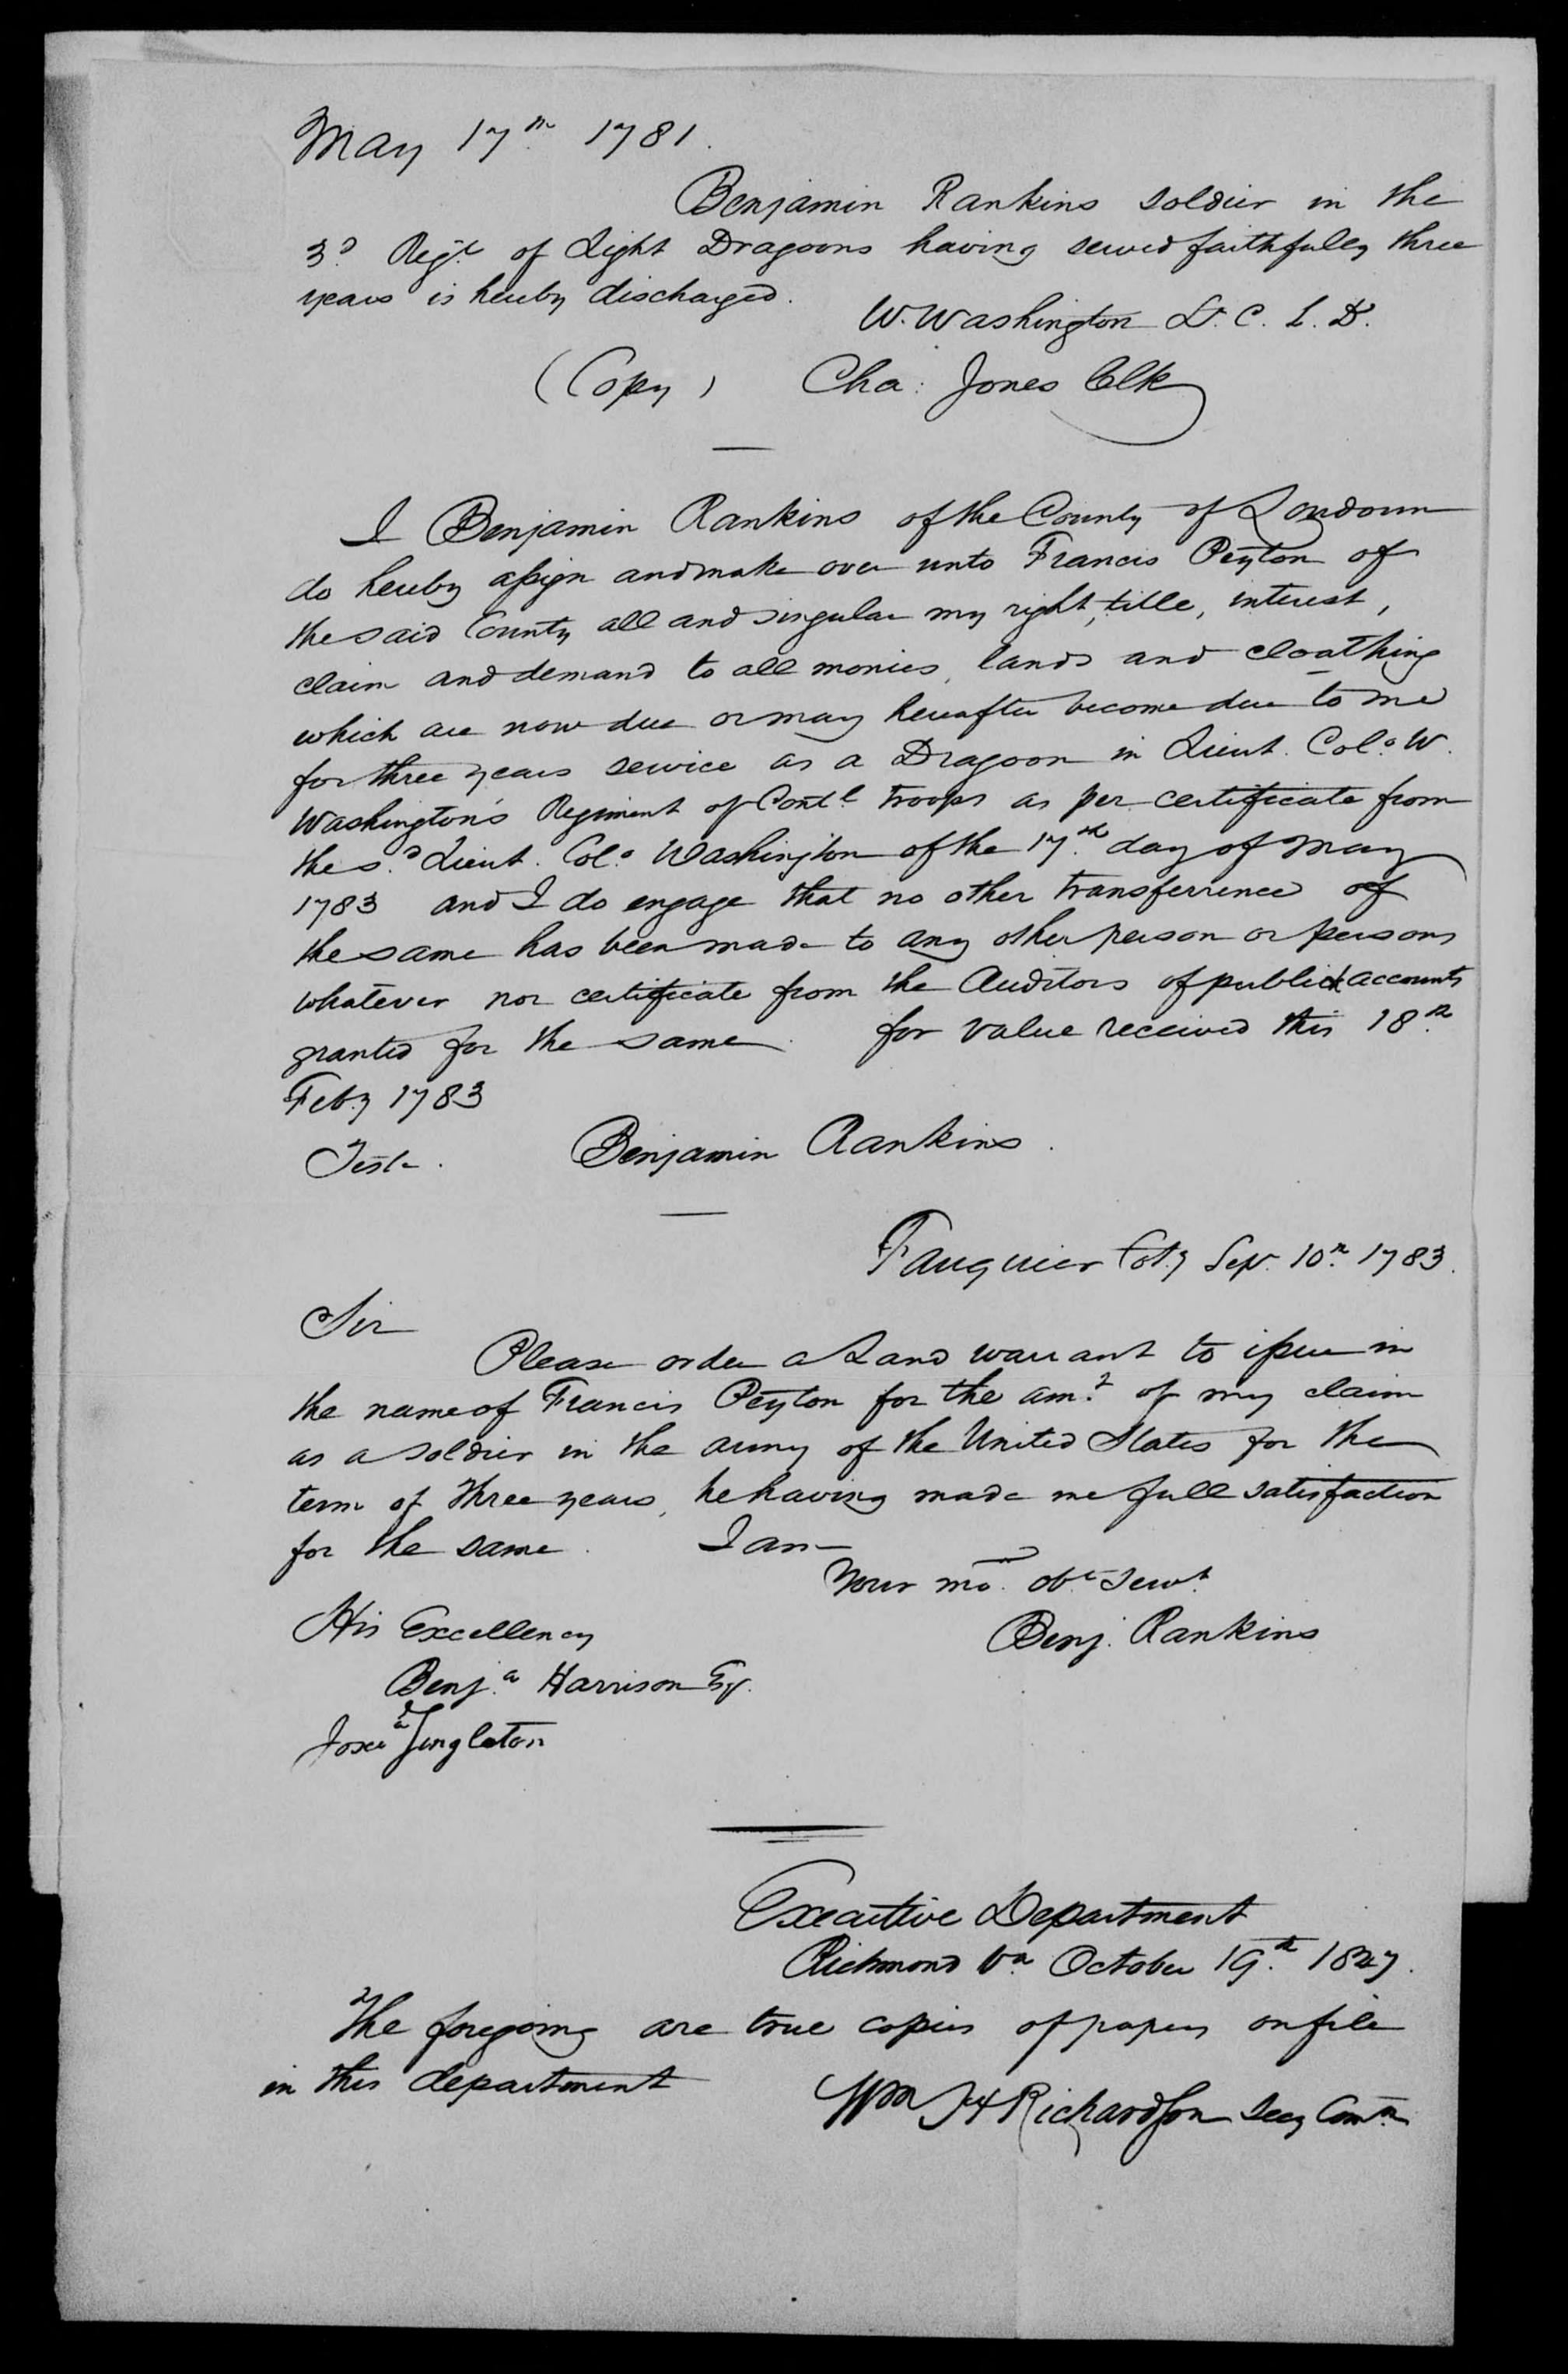May 17th 1781
Benjamin Rankins Soldier in the
3d Regt of Light Dragoons having served faithfully three years is hereby discharged
(Copy)
W. Washington Lt.C.L.D.
Cha. Jones Clk
I Benjamin Rankins of the County of Loudoun
do hereby assign and make over unto Francis Peyton of the said County all and singular my right, title, interest, claim and demand to all monies, lands and cloathing which are now due or may hereafter become due to me
for three years service as a Dragoon in Lieut Colo. W. Washington's Regiment of Cont'l troops as per certificate from the sd [said] Lieut. Colo. Washington of the 17th day of May
1783 and I do engage that no other transferrence [sic] of the same has been made to any other person or persons whatever nor certificate from the Auditor of publick [sic] accounts
granted for the same
for value received this 18th Feby 1783
Teste
Benjamin Rankins [signature]

Fauquier Co. } Ss Sept. 10th 1783.
Sir 
Please order a Land warrant to issue in
the name of Francis Peyton for the amt of my claim as a soldier in the army of the United States for the term of three years, he having made me full satisfaction for the same.
I am Your most obt Servt
Benj Rankins [signature]

His Excellency
Benja Harrison Esq
Joshua Twigleton
------------------------
Executive Department
Richmond Va October 19th 1847
The foregoing are true copies of papers on file
in this department
Wm H Richard for Secy Comm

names: Washington, W Washington, Benjamin Rankins, Francis Peyton, Francis Peyton, Benjamin Rankins, Cha Jones, Benjamin Rankins, Benja Harrison, Benj Rankins, Wm H Richardson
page: 31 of 84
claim: widow's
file: W. 7744, Daniel Hickey, Penn.